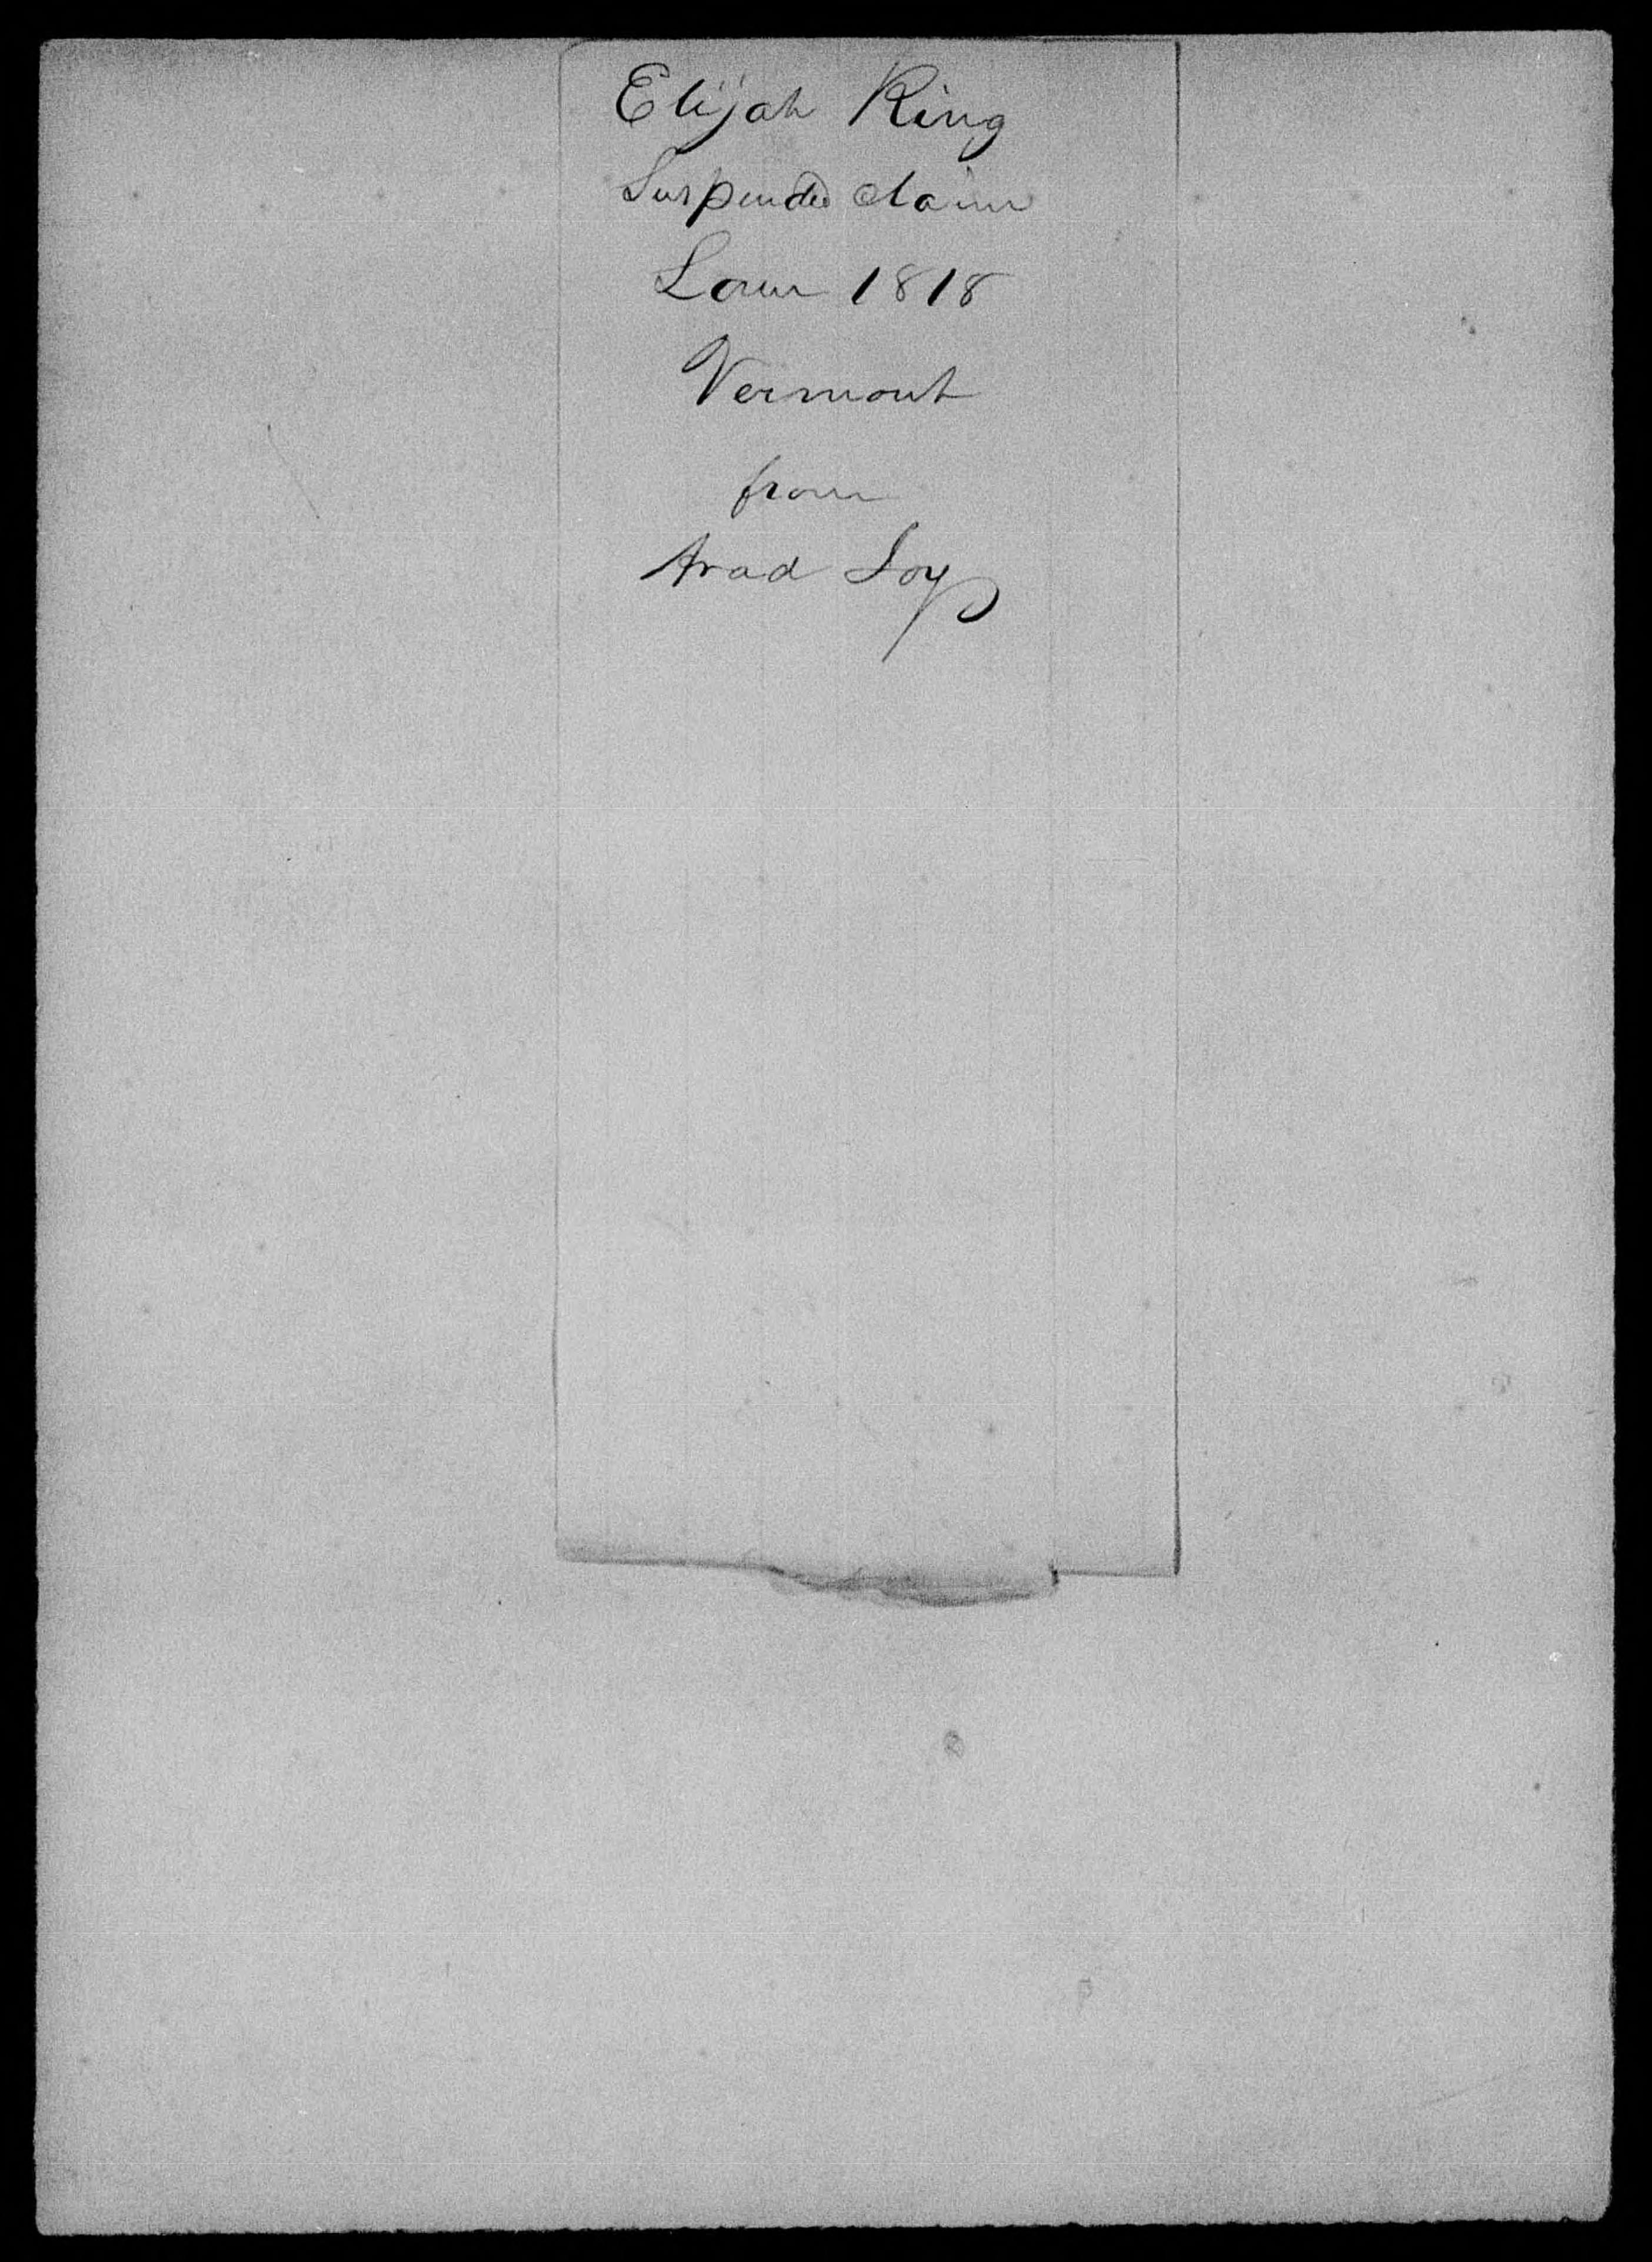Elijah Ring
Suspended claim 
Law 1818
Vermont
from Arad Joy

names: Elijah King, Arad Joy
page: 11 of 80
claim: survivor's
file: S. 18008, Thomas Harvey, N.H.